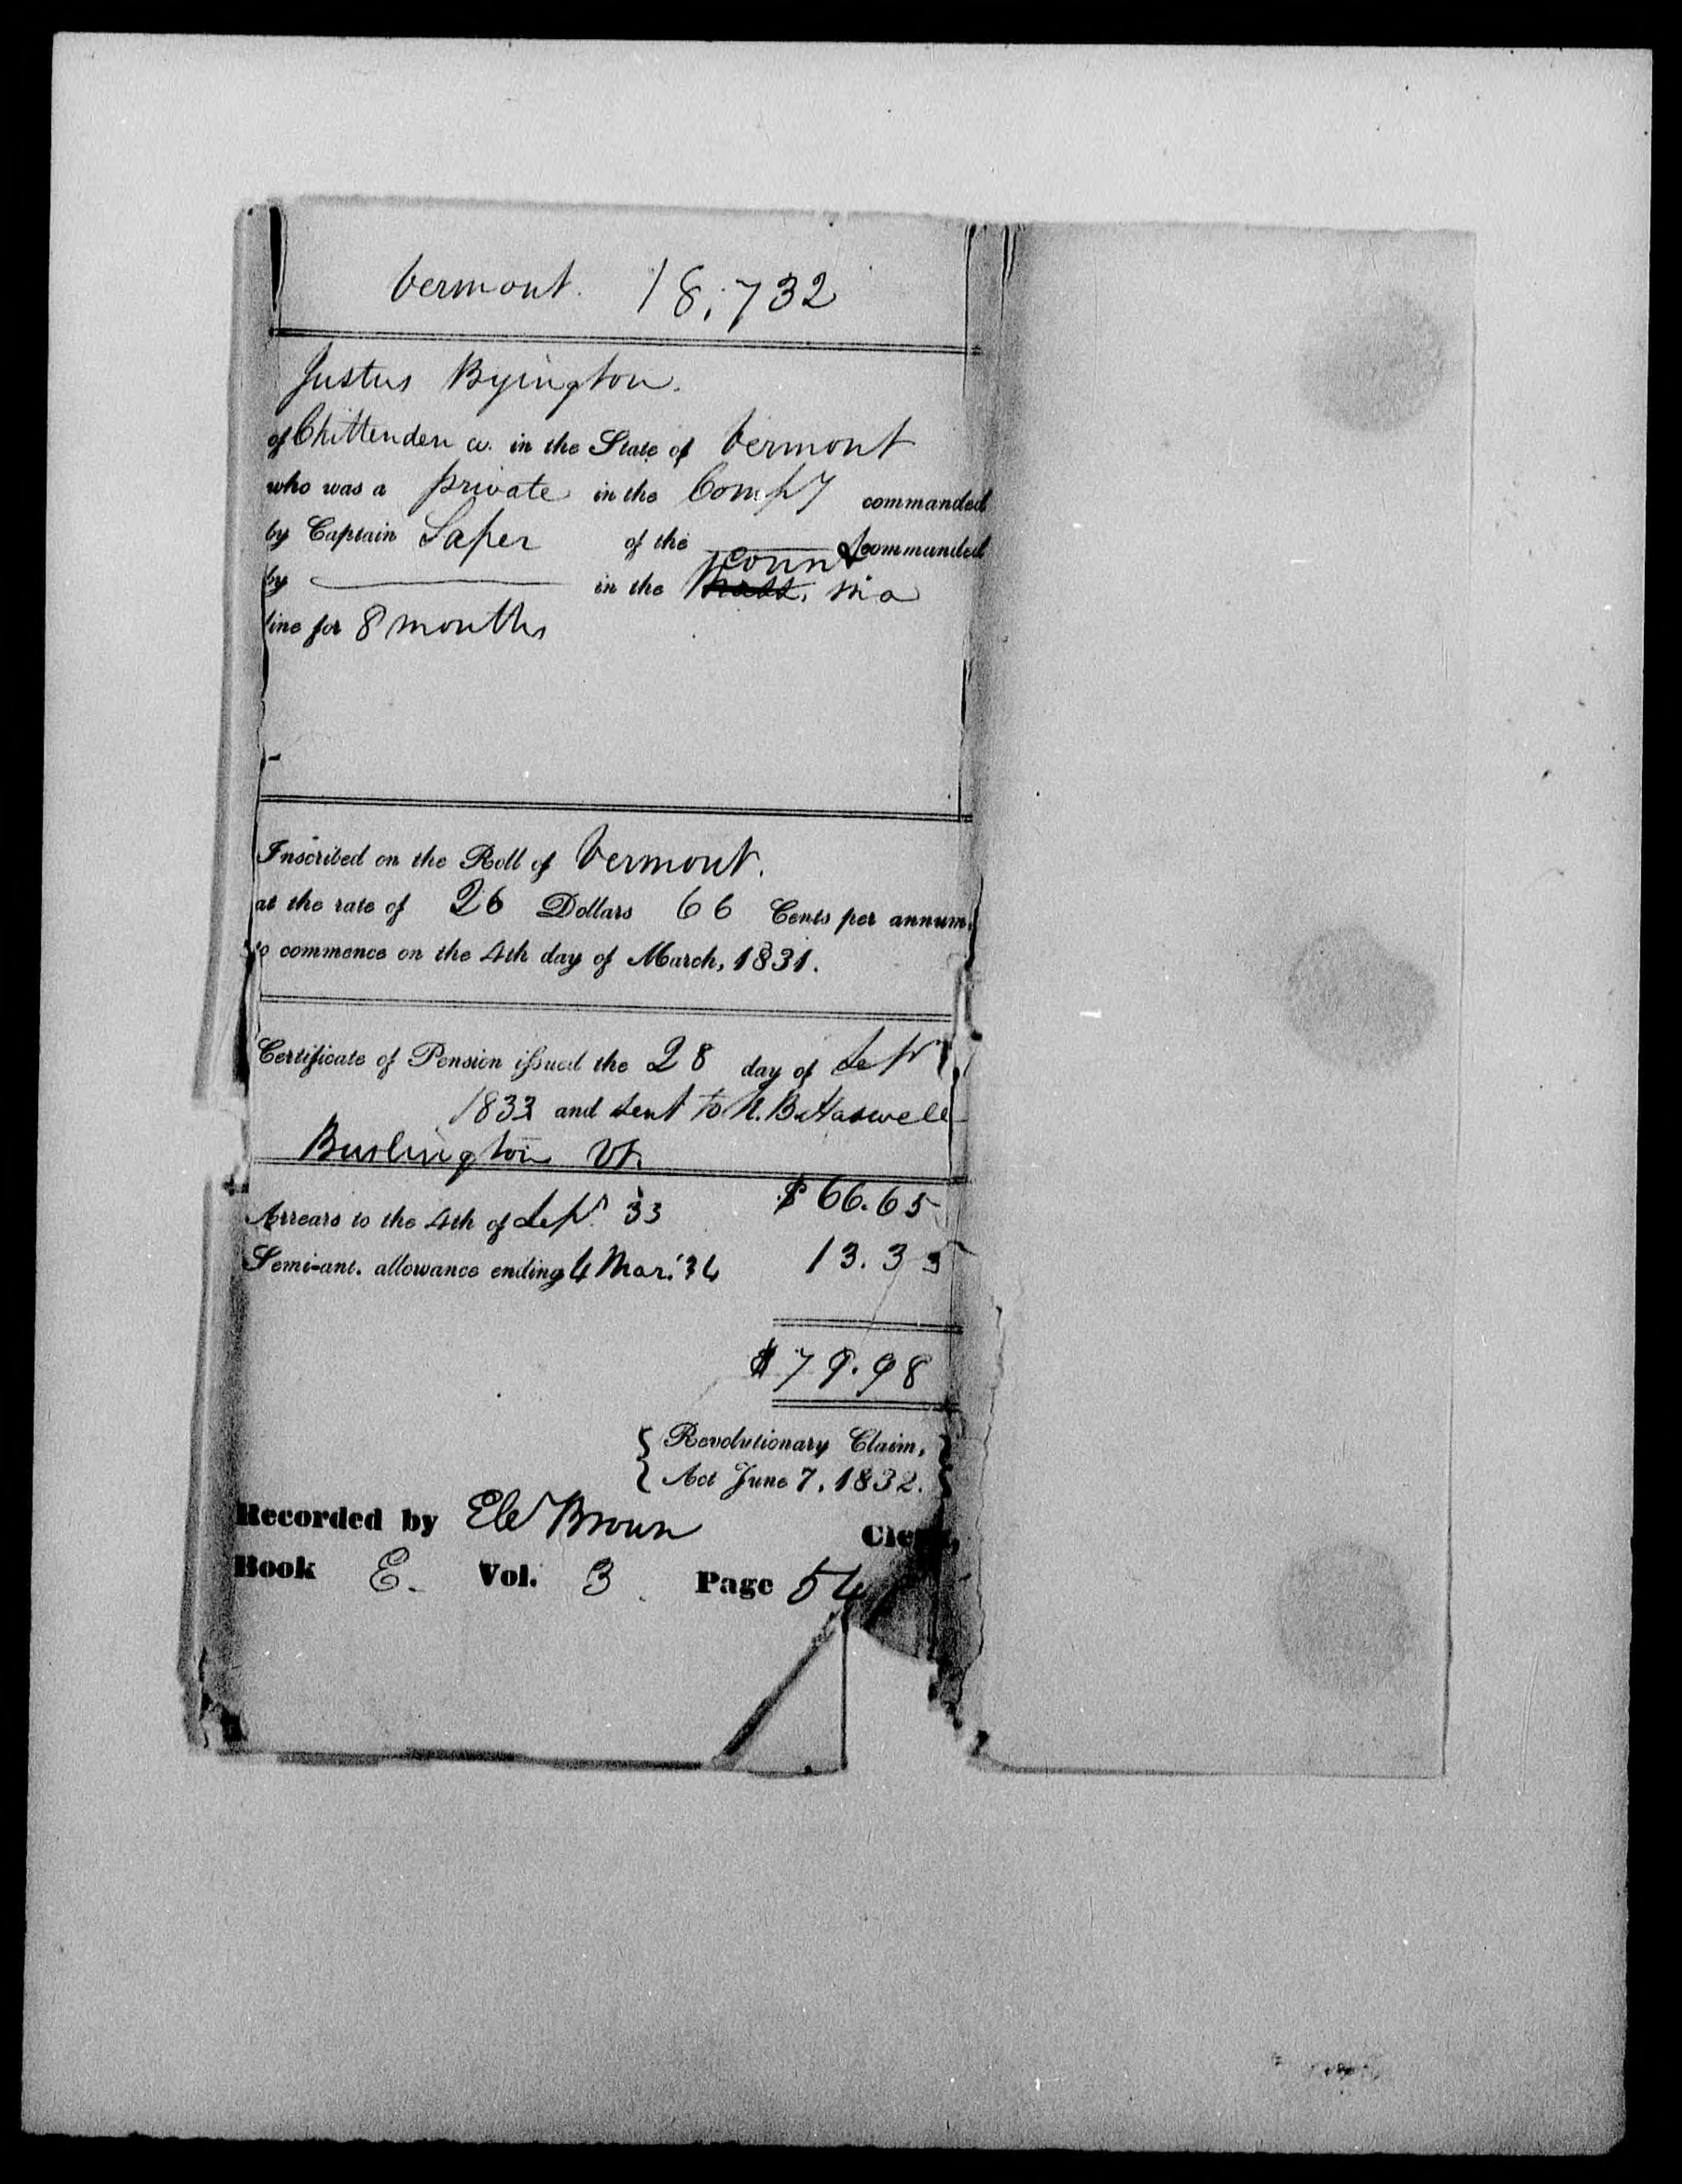Vermont 18,732
Justus Byington of Chittenden in the State of Vermont who was a private in the Compy commanded by Captain Saper of the ~~ commanded by ~~ in the Connt Ma line for 8 mos.

Inscribed on the Roll of Vermont at the rate of 26 Dollars 66 Cents per annum, to commence on the 4th day of March, 1831.

Certificate of Pension issued the 28 day of Sept 1833 and sent to N. B. Haswell Burlington Vt.

Arrears to the 4th of Sep '33   $66.65
Semi-anl. allowance ending 4 Mar '34  13.35
______
$79.98

{Revolutionary Claim, Act June 7, 1832.}
Recorded by Ele Brown
Book E Vol. 3 Page 54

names: M B Haswell, Saper, Ele Brown, Justus Byington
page: 3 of 79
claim: widow's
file: W. 23754, Justus Byington, Conn.